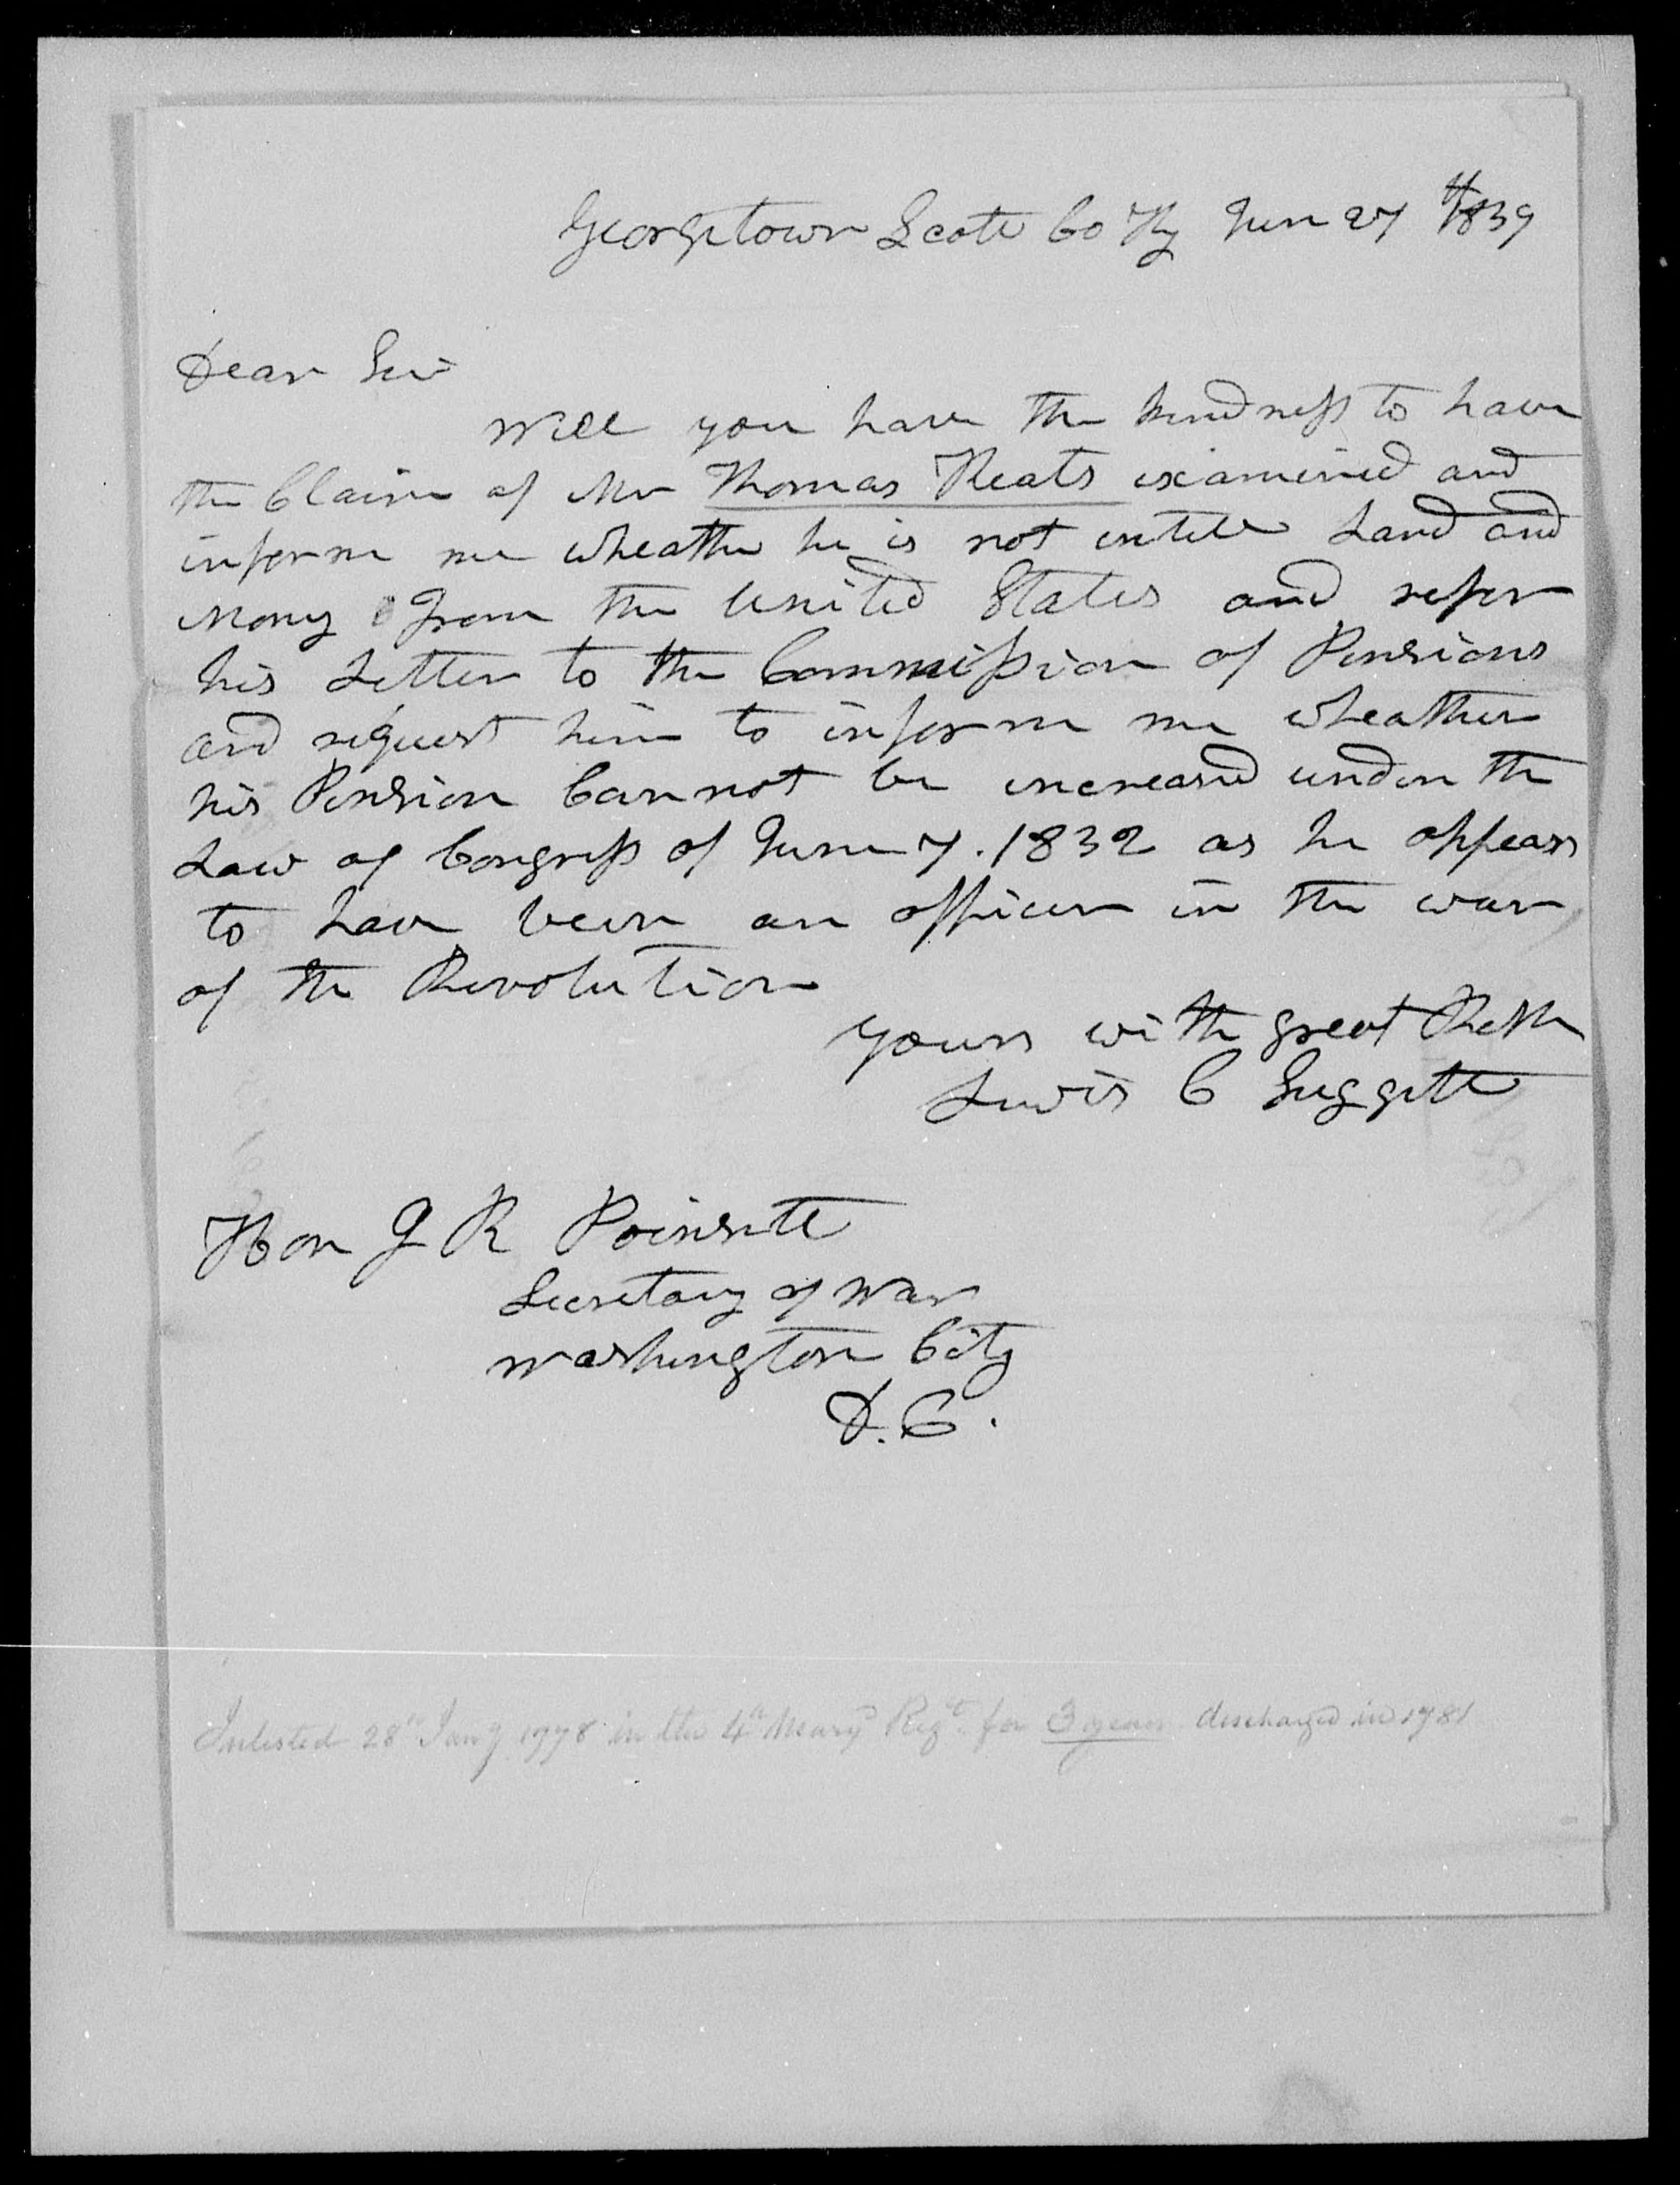Georgetown Scott Co Ky Jun 27th 1839

Dear sir;
Will you have the kindness to have
the claim of  Mr Thomas Keats examined and
inform me wheather he is not [illegible] Land and
mony (money) from the United States and refer
his letter to the Commissioner of Pensions
and request him to inform me wheather
his Pension cannot be increased under the
Law of Congress of June 7 1832 as he appears
to have been an officer in the war of the 
Revolution.
Yours with great {illegible}
Lewis C Suggett

Hon J R Poinsett
Secretary of war
Washington City
D.C.

Inlisted 28th Jany 1778 in the 4th Mary. Regt. for 3 years
discharged in 1781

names: Thomas Keats; Lewis C Suggett; J R Poinsett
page: 24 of 25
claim: survivor's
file: S. 38109, for Thomas Keates, Maryland